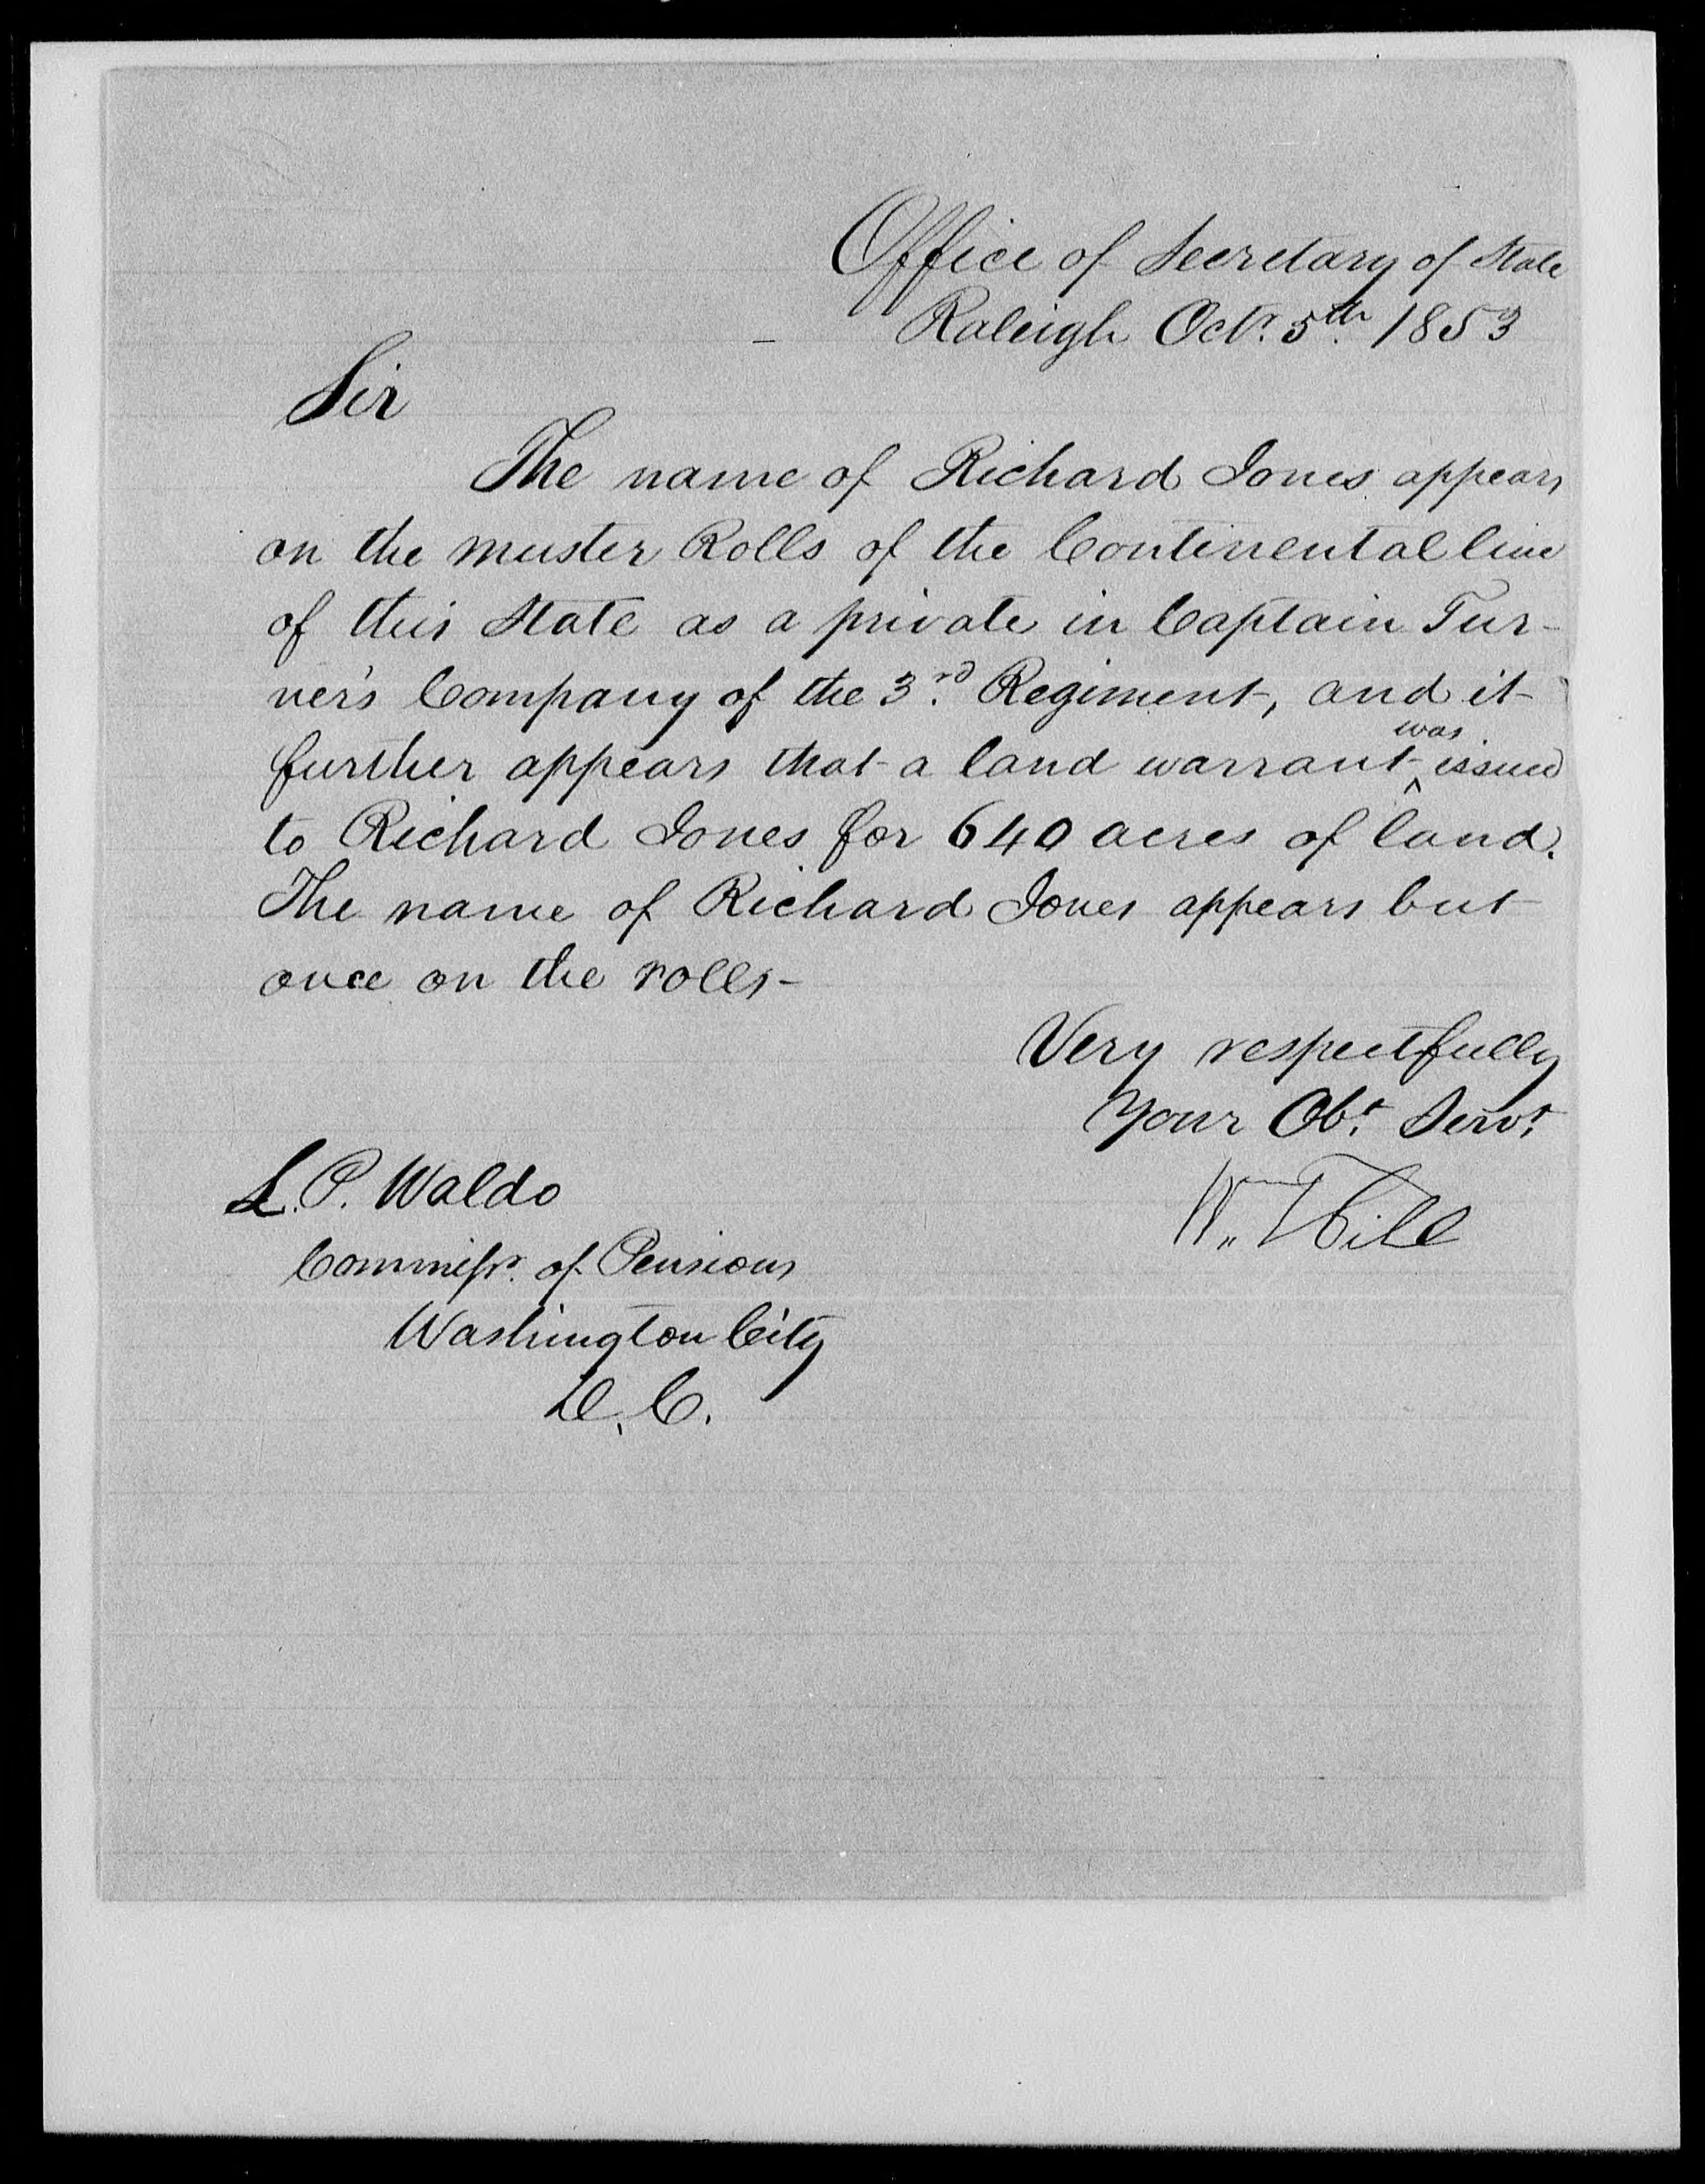Office of Secretary of State
Raleigh  Octr. 5th. 1853

Sir

The name of Richard Jones appears
on the muster Rolls of the Continental line 
of this State as a private in Captain Turner's
Company of the 3rd Regiment, and it 
further appears that a land warrant was issued
to Richard Jones for 640 acres of land.
The name of Richard Jones appears but 
once on the rolls -

Very respectfully
your obt. servt.

W. Hill



L.P. Waldo 
Commissioner of Pensions
Washington City
D.C.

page: 17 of 33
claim: rejected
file: R. 1554, for Richard Jones, North Carolina